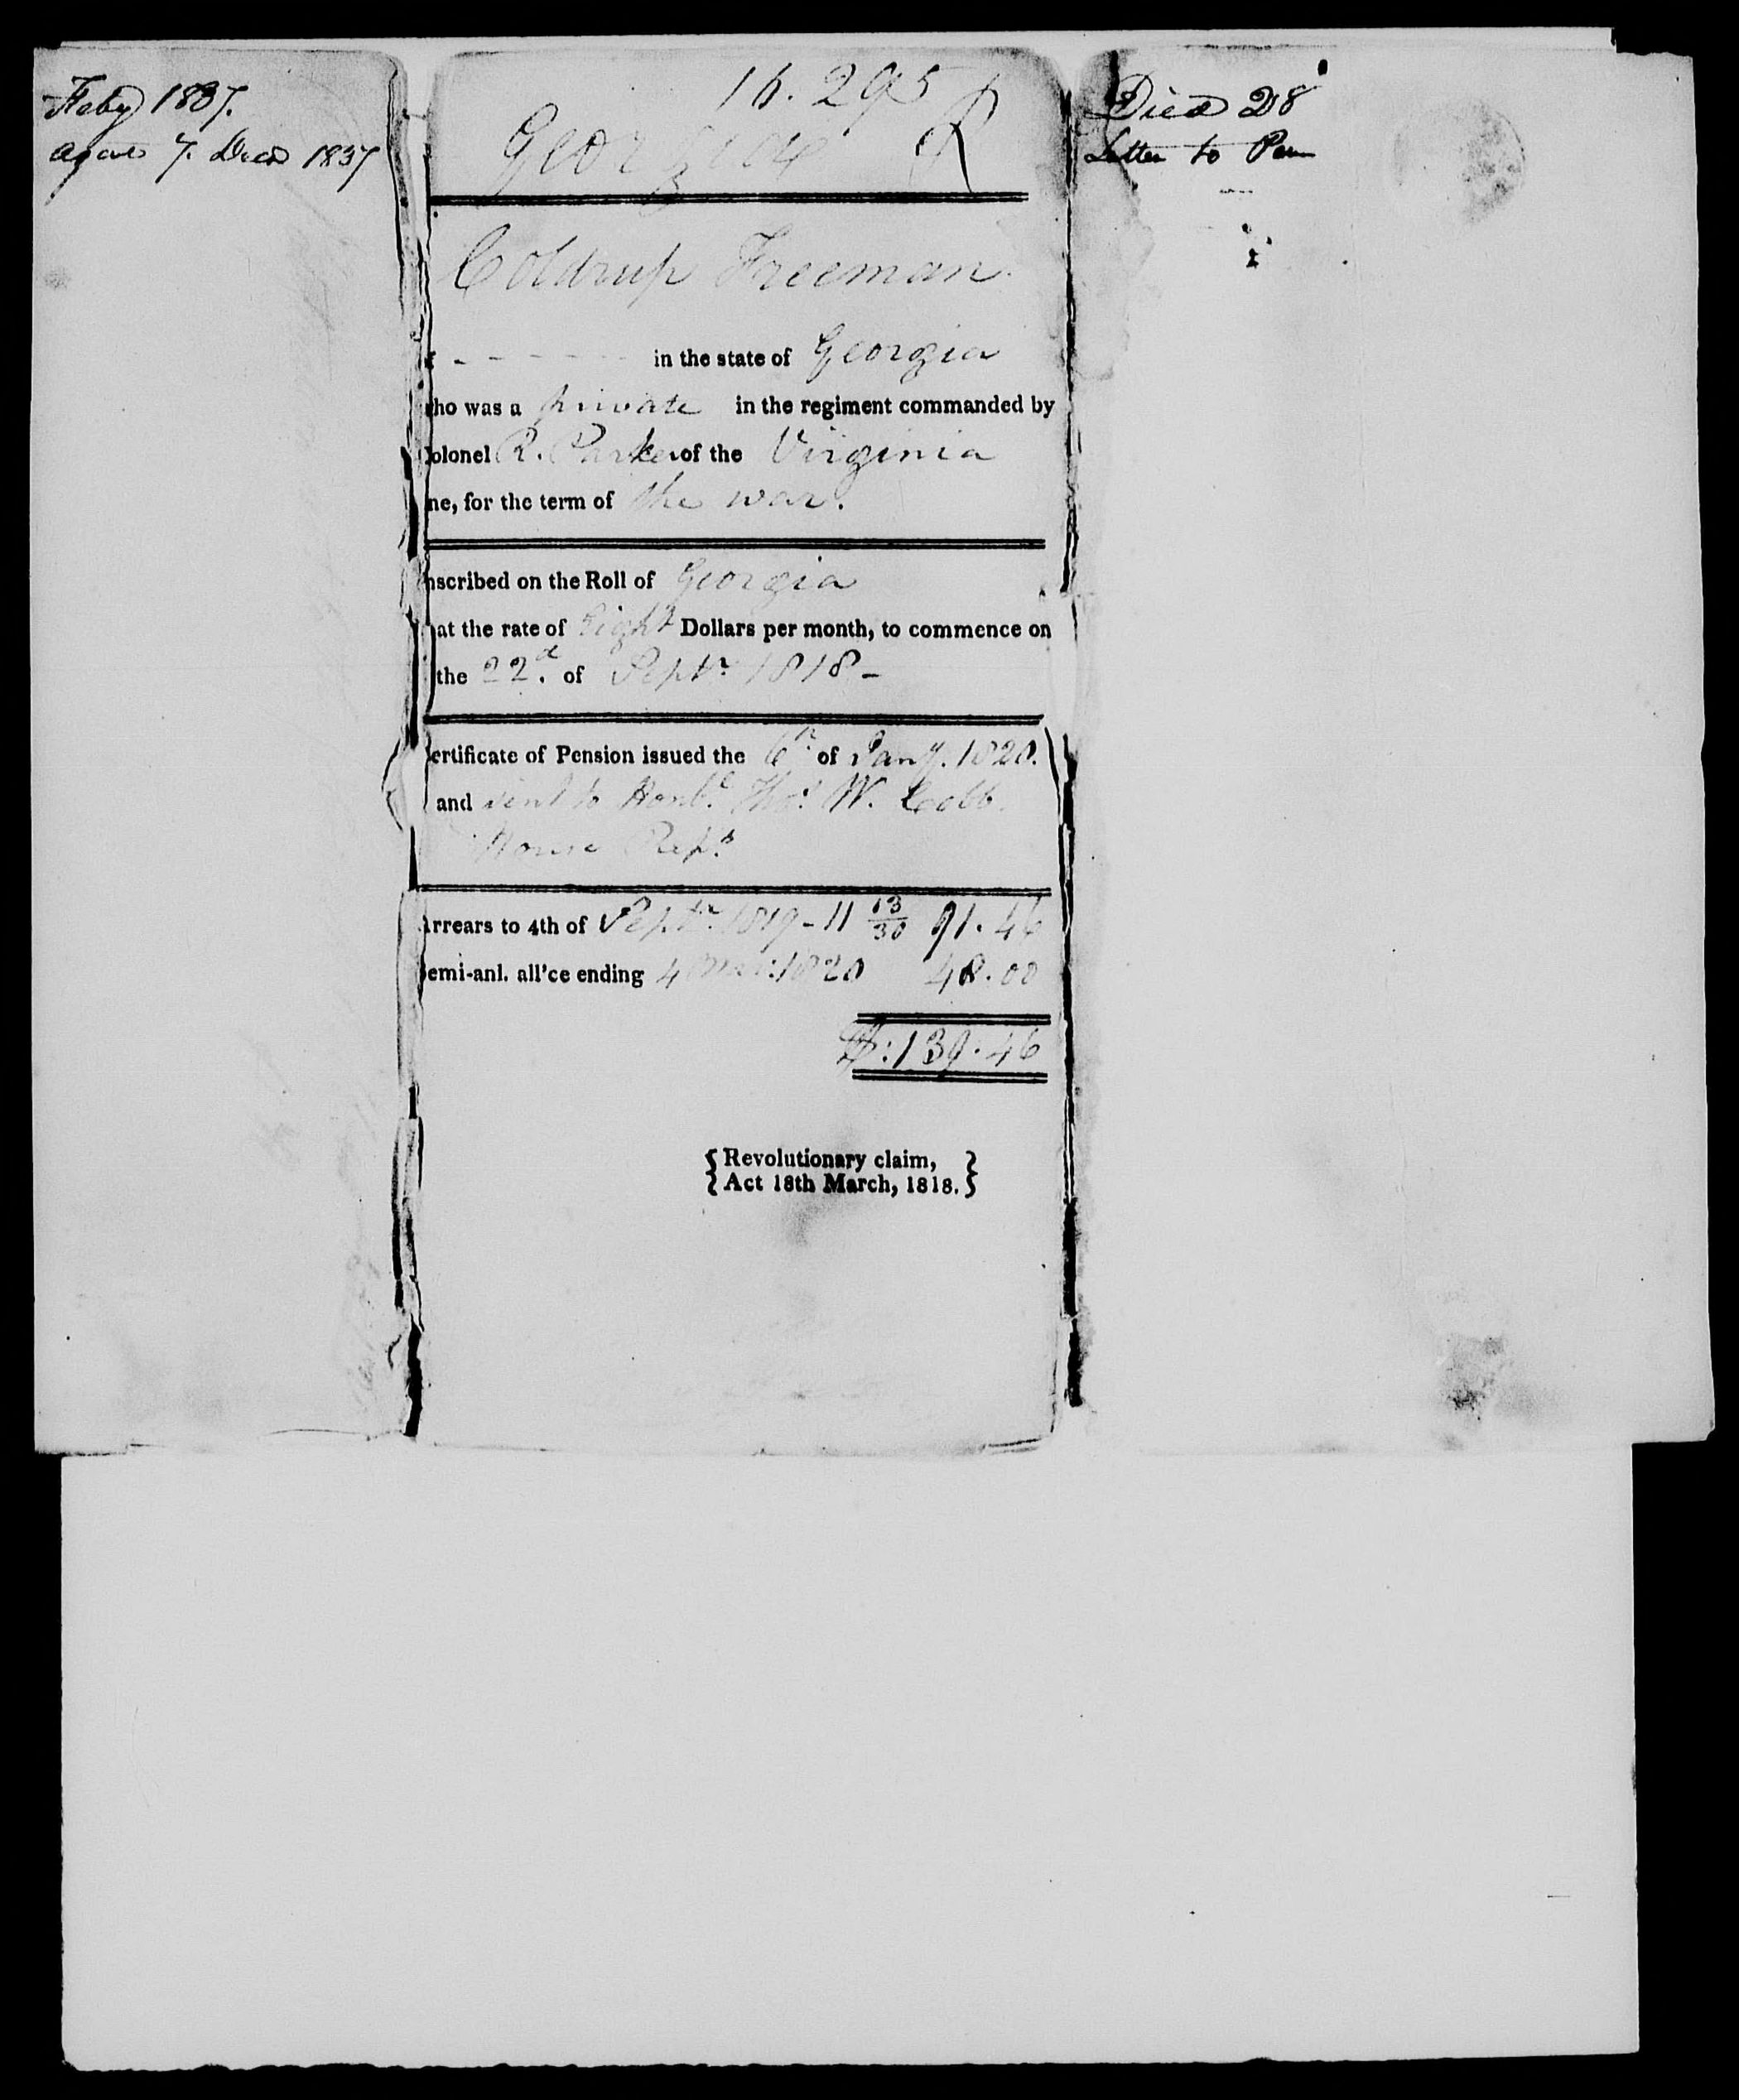Feby. 1887
[illegible] 4 Dec. 1837

Died 28
Letter to [illegible]

16.295
Georgia R
Coldrup Freeman
in the state of Georgia 
who was a private in the regiment commanded by 
Colonel R. Parker of the Virginia 
[cut off]ne, for the term of the war. 

[cut off]nscribed on the Roll of Georgia 
at the rate of Eight Dollars per month, to commence on 
the 22d of Sept. 1818

[cut off]ertificate of Pension issued the 6th of Jany. 1820.
and sent to Honble. Thos. W. Cobb 
House Rep. 

Arrears to 4th of Sept. 1819-11 13/30 
[right marginal notation: 91.46  48.00=$139.46]
[cut off]emi-anl. all'ce ending 4 Mar. 1820

Revolutionary claim, 
Act 18th March, 1818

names: Coldrup Freeman, R Parker, Thos W Cobb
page: 2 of 15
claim: survivor's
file: S. 37,941, Coldrup Freeman, Va.